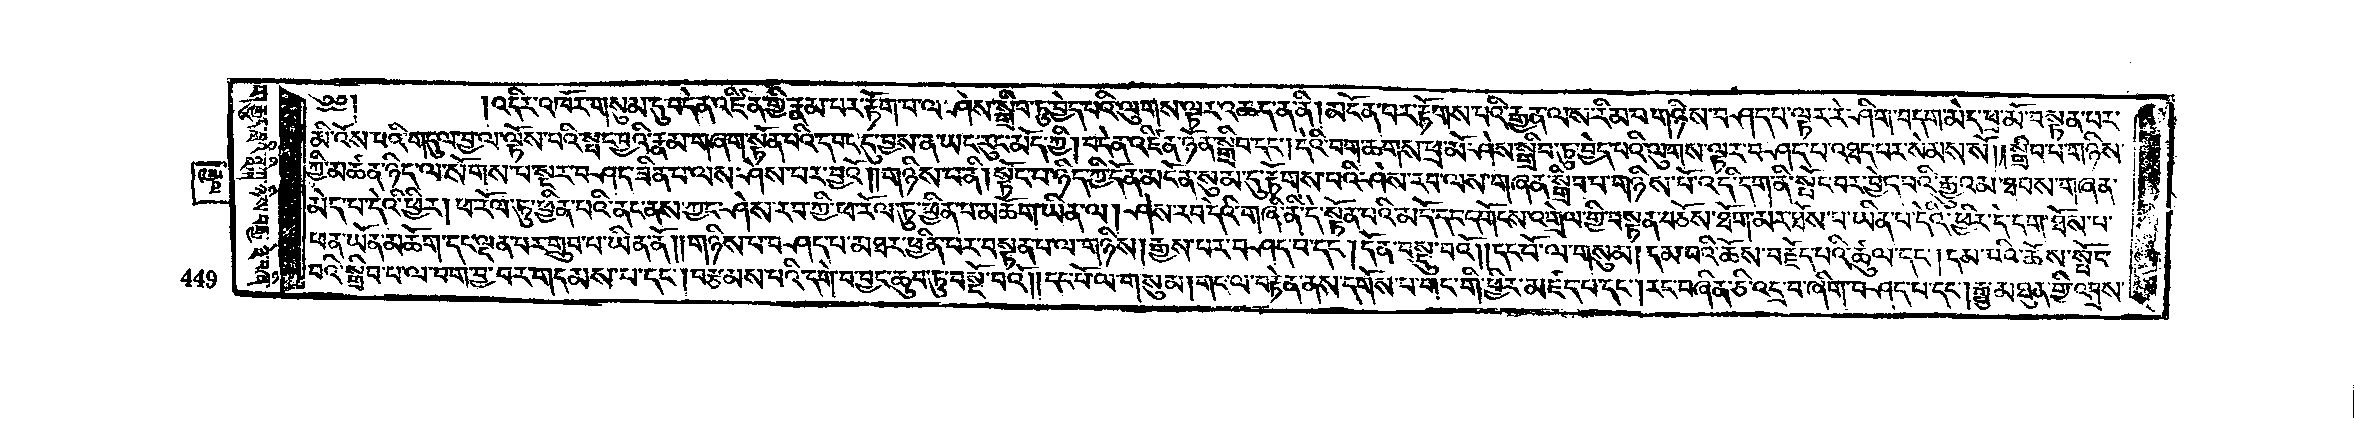༄༅། །འདིར་འཁོར་གསུམ་དུ་བདེན་འཛིན་གྱི་རྣམ་པར་རྟོག་པ་ལ་ཤེས་སྒྲིབ་ཏུ་བྱེད་པའི་ལུགས་ལྟར་འཆད་ན་ནི། མངོན་པར་རྟོགས་པའི་རྒྱན་ལས་རིམ་པ་གཉིས་བཤད་པ་ལྟར་རེ་ཤིག་བདག་མེད་ཕྲ་མོ་བསྟན་པར་
མི་འོས་པའི་གདུལ་བྱ་ལ་ལྟོས་པའི་སྤང་བྱའི་རྣམ་གཞག་སྟོན་པའི་དབང་དུ་བྱས་ན་ཡང་རུང་མོད་ཀྱི། བདེན་འཛིན་ཉོན་སྒྲིབ་དང་། དེའི་བག་ཆགས་ཕྲ་མོ་ཤེས་སྒྲིབ་ཏུ་བྱེད་པའི་ལུགས་ལྟར་བཤད་པ་འཐད་པར་སེམས་སོ། །སྒྲིབ་པ་གཉིས་
ཀྱི་མཚན་ཉིད་ལ་སོགས་པ་སྔར་བཤད་ཟིན་པ་ལས་ཤེས་པར་བྱའོ། །གཉིས་པ་ནི། སྟོང་པ་ཉིད་ཀྱི་དོན་མངོན་སུམ་དུ་རྟོགས་པའི་ཤེས་རབ་ལས་གཞན་སྒྲིབ་པ་གཉིས་པོ་འདི་དག་ནི་སྤོང་བར་བྱེད་པའི་རྒྱུ་འམ་ཐབས་གཞན་
མེད་པ་དེའི་ཕྱིར། ཕ་རོལ་ཏུ་ཕྱིན་པའི་ནང་ནས་ཀྱང་ཤེས་རབ་ཀྱི་ཕ་རོལ་ཏུ་ཕྱིན་པ་མཆོག་ཡིན་ལ། ཤེས་རབ་དེའི་གཞི་ནི་དེ་སྟོན་པའི་མདོ་དང་དགོངས་འགྲེལ་གྱི་བསྟན་བཅོས་ཐོག་མར་ཐོས་པ་ཡིན་པ་དེའི་ཕྱིར་དེ་དག་ཐོས་པ་
ཕན་ཡོན་མཆོག་དང་ལྡན་པར་གྲུབ་པ་ཡིན་ནོ། །གཉིས་པ་བཤད་པ་མཐར་ཕྱིན་པར་བསྟན་པ་ལ་གཉིས། རྒྱས་པར་བཤད་པ་དང་། དོན་བསྡུ་བའོ། །དང་པོ་ལ་གསུམ། དམ་པའི་ཆོས་བརྫོད་པའི་ཚུལ་དང་། དམ་པའི་ཆོས་སྤོང་
བའི་སྒྲིབ་པ་ལ་བག་བྱ་བར་གདམས་པ་དང་། བརྩམས་པའི་དགེ་བ་བྱང་ཆུབ་ཏུ་བསྔོ་བའོ། །དང་པོ་ལ་གསུམ། གང་ལ་བརྟེན་ནས་དགོས་པ་གང་གི་ཕྱིར་མཛད་པ་དང་། རང་བཞིན་ཅི་འདྲ་བ་ཞིག་བཤད་པ་དང་། རྒྱུ་མཐུན་གྱི་འབྲས་